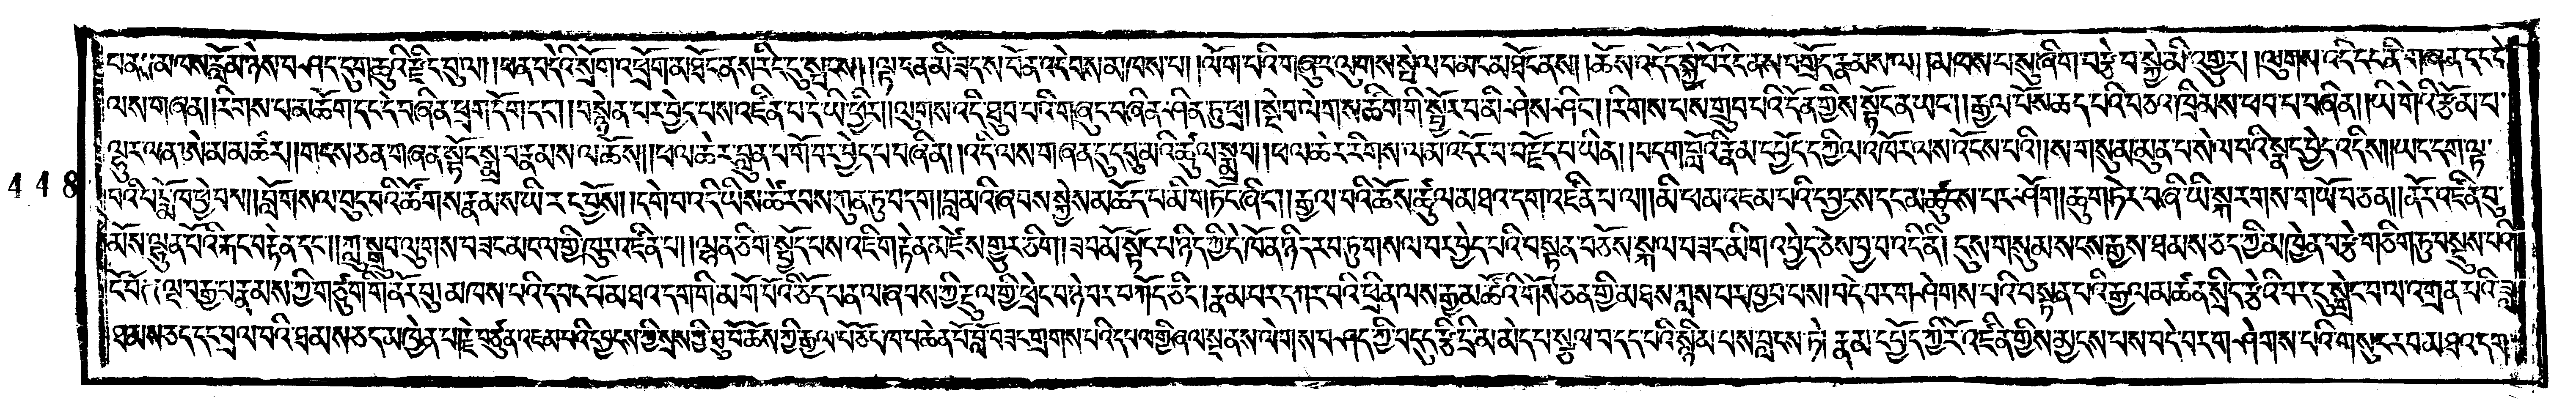བན་༑མཁས་རློམ་ཉེས་བཤད་དུག་ཆུའི་རྫིང་བུ་ལ། །ཕན་བདེའི་སྲོག་འཕྲོག་མཐོང་ནས་རིང་དུ་སྤངས། །ལྟ་ངན་མི་ཟད་ས་བོན་འདེབས་མཁས་པ། །ལོག་པའི་གཞུང་ལུགས་སྤེལ་བ་མང་མཐོང་ནས། །ཆོས་འདོད་སྐྱེ་བོ་རིང་ནས་བགྲོད་རྣམས་ལ། །མཁས་པ་སུ་ཞིག་བརྩེ་བ་སྐྱེ་མི་འགྱུར། །ལུགས་འདི་དང་ནི་གཞན་དང་དེ་
ལས་གཞན། །རིགས་པ་མཆོག་དང་དེ་བཞིན་ཕྲག་དོག་དང་། །བསྙེན་པར་བྱེད་པས་འཛིན་པ་དེ་ཡི་ཕྱིར། །ལུགས་འདི་ཐུབ་པའི་གཞུང་བཞིན་ཤིན་ཏུ་ཕྲ། །སྡེབ་ལེགས་ཚིག་གི་སྦྱོར་བ་མི་ཤེས་ཤིང་། །རིགས་པས་གྲུབ་པའི་དོན་གྱིས་སྟོང་ན་ཡང་། །རྒྱལ་པོས་ཆད་པའི་བཅའ་ཁྲིམས་ཕབ་པ་བཞིན། །ཡི་གེའི་རྩོམ་པ་
ལྷུར་ལན་ཨེ་མ་མཚར། །གངས་ཅན་གཞན་སྟོང་སྨྲ་བ་རྣམས་ལ་ཆོས། །ཕལ་ཆེར་བླུན་པ་གོ་བར་བྱེད་པ་བཞིན། །འདི་ལས་གཞན་དུ་དབུ་མའི་ཚུལ་སྨྲ་བ། །ཕལ་ཆེར་རིགས་ལམ་འདོར་བ་བརྗོད་བ་ཡིན། །བདག་བློའི་རྣམ་དཔྱོད་དཀྱིལ་འཁོར་ལས་འོངས་པའི། །ས་གསུམ་མུན་པ་སེལ་བའི་སྣང་བྱེད་འདིས། །ཡང་དག་ལྟ་
བའི་པདམོ་ཁ་ཕྱེབས། །བློ་གསལ་བདུད་བའི་ཚོགས་རྣམས་ཡི་རང་བྱོས། །དགེ་བ་འདི་ཡིས་ཚེ་རབས་ཀུན་ཏུ་བདག། །བླ་མའི་ཞབས་སྐྱེས་མཆོད་པ་མི་གཏོང་ཞིང་། །རྒྱལ་བའི་ཆོས་ཚུལ་མཐའ་དག་འཛིན་པ་ལ། །མི་ཕམ་འཇམ་པའི་དབྱངས་དང་མཚུངས་པར་ཤོག། ཆུ་གཏེར་བཞི་ཡི་སྐ་རགས་གཡོ་བ་ཅན། །ནོར་འཛིན་བུ་
མོས་ལྷུན་པོའི་རྐང་བརྟེན་དང་། །ཀླུ་སྒྲུབ་ལུགས་བཟང་མངལ་གྱི་ཁུར་འཛིན་པ། །ལྷན་ཅིག་སྤྱོད་པས་འཇིག་རྟེན་མཛེས་གྱུར་ཅིག། ཟབ་མོ་སྟོང་པ་ཉིད་ཀྱི་དེ་ཁོ་ན་ཉིད་རབ་ཏུ་གསལ་བར་བྱེད་པའི་བསྟན་བཅོས་སྐལ་བཟང་མིག་འབྱེད་ཅེས་བྱ་བ་འདི་ནི། དུས་གསུམ་སངས་རྒྱས་ཐམས་ཅད་ཀྱི་མཁྱེན་བ་རྩེ་གཅིག་ཏུ་བསྡུས་པའི་
ངོ་བོ༑ ༑ལྔ་བརྒྱ་པ་རྣམས་ཀྱི་གཙུག་གི་ནོར་བུ། མཁས་པའི་དབང་པོ་མཐའ་དག་གི་མགོ་པོའི་ཅོད་པན་ལ་ཞབས་ཀྱི་རྡུལ་གྱི་ཕྲེང་བ་ཉེ་བར་བཀོད་ཅིང་། རྣམ་པར་དཀར་བའི་ཕྲིན་ལས་རྒྱ་མཚོའི་གོས་ཅན་གྱི་མཐས་ཀླས་པར་ཁྱབ་པས། བདེ་བར་གཤེགས་པའི་བསྟན་པའི་རྒྱལ་མཚན་སྲིད་རྩེའི་བར་དུ་སྒྲེང་བ་ལ་འགྲན་པའི་ཟླ་
ཐམས་ཅད་དང་བྲལ་བའི་ཐམས་ཅད་མཁྱེན་པ་རྗེ་བཙུན་འཇམ་པའི་དབྱངས་ཀྱི་སྲས་ཀྱི་ཐུ་བོ་ཆོས་ཀྱི་རྒྱལ་པོ་ཙོང་?་ཁ་པ་ཆེན་པོ་བློ་བཟང་གྲགས་པའི་དཔལ་གྱི་ཞལ་སྔ་ནས་ལེགས་བཤད་ཀྱི་བདུད་རྩི་དྲི་མ་མེད་པ་སྩལ་བ་དད་པའི་སྙིམ་པས་བླངས་ཏེ། རྣམ་དཔྱོད་ཀྱི་རོ་འཛིན་གྱིས་མྱངས་པས་བདེ་བར་གཤེགས་པའི་གསུང་རང་མཐའ་དག་